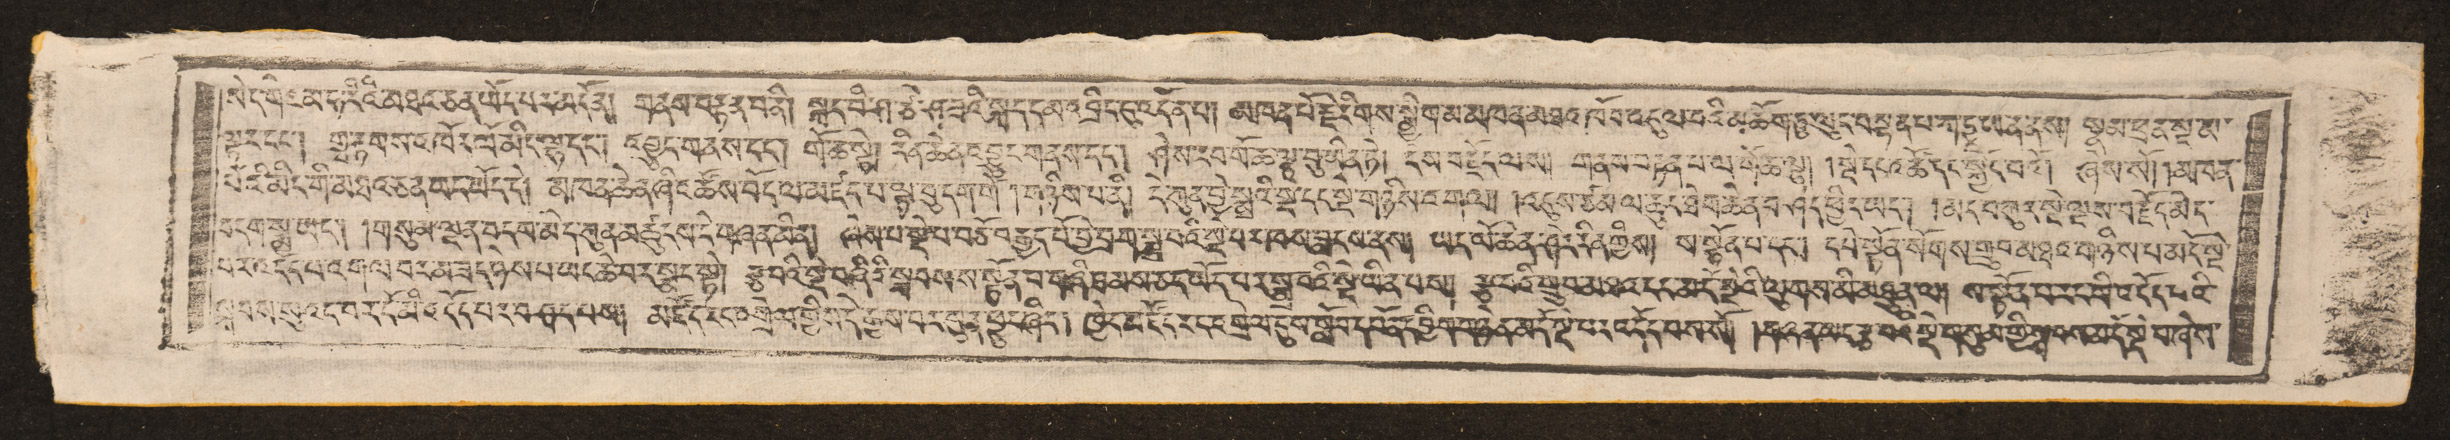སེང་གེའམ་ཧ་རིའི་མཐའ་ཅན་ཡོད་པར་མངོན། གནས་བརྟན་པ་ནི། སྐང་བི་ཤ་ཙེ་ཤ་ཟའི་སྐད་དམ་འབྲིང་དུ་འདོན་པ། མཁན་པོ་རྗེ་རིགས་སྨྱིག་མ་མཁན་མཐའ་ཁོབ་འདུལ་བའི་མཆོག་ཏུ་ལུང་བསྟན་པ་ཀ་ཏྱཱ་ཡ་ན་ནས། སྣམ་ཕྲན་སྔ་མ་
ལྟར་དང་། གྲྭ་རྟགས་འཁོར་ལོ་མིང་ལྷ་དང་། འབྱུང་གནས་དང་། གོ་ཆ་སྟེ། རིན་ཆེན་འབྱུང་གནས་དང་། ཤེས་རབ་གོ་ཆ་ལྟ་བུ་ཡིན་ཏེ། དེས་བརྗོད་ལས། གནས་བརྟན་པ་ལ་གོ་ཆ་ལྷ། །སྦེ་དང་འཚོ་དང་སྐྱོང་བའོ། ཞེས་སོ་།མཁན་
པོའི་མིང་གི་མཐའ་ཅན་ཡང་ཡོད་དེ། མཁན་ཆེན་ཞི་འཚོས་བོད་ལ་མཛད་པ་ལྟ་བུ་དག་གོ །གཉིས་པ་ནི། དེ་ཀུན་བྱེ་སྨྲའི་སྡེ་དང་སྡེ་གཉིས་འགལ། །འདུས་ཙམ་ལ་ཆུང་ཐེག་ཆེན་བཤད་ཕྱིར་ཡང་། །མང་བཀུར་སྡེ་ལྔས་བརྗོད་མེད་
བདག་སྨྲ་ཡང་། །གསུམ་ལྡན་བདག་མེད་ཀུན་མཚུངས་དེ་གཞན་མིན། ཞེས་པ་སྡེ་པ་བཅོ་བརྒྱད་པོ་བྱེ་བྲག་སྨྲ་བའི་སྡེ་བར་ཁས་བླངས་ནས། ཡང་ལོ་ཆེན་ཤེར་རིན་གྱིས། ས་སྟོན་པ་དང་། དཔེ་སྟོན་སོགས་གྲུབ་མཐའ་གཉིས་པ་མདོ་སྡེ་
པར་འདོད་པ་འགལ་བར་མ་ཟད་ཉེས་པ་ཡང་ཆེ་བར་སྣང་སྟེ། རྩ་བའི་སྡེ་བཞིའི་སྐབས་ས་སྟོན་པ་གཞི་ཐམས་ཅད་ཡོད་པར་སྨྲ་བའི་སྡེ་ཡིན་པས། རྩ་བའི་གྲུབ་མཐའ་དང་མདོ་སྡེའི་ལུགས་མི་མཐུན་ལ། ས་སྟོན་པ་རང་གི་འདོད་པའི་
སྐབས་སུའང་བར་དོ་མི་འདོད་པར་བཤད་པས། མཛོད་རང་འགྲེལ་གྱིས་དེ་རྒྱས་པར་སུན་ཕྱུང་ཞིང་། ཁྱེད་མཛོད་རང་འགྲེལ་དུས་སློབ་དཔོན་དབྱིག་གཉེན་མདོ་སྡེ་པར་འདོད་པས་སོ། །གཞན་ཡང་རྩ་བའི་སྡེ་གསུམ་གྱི་སྐབས་མདོ་སྡེ་བ་ཞེས་